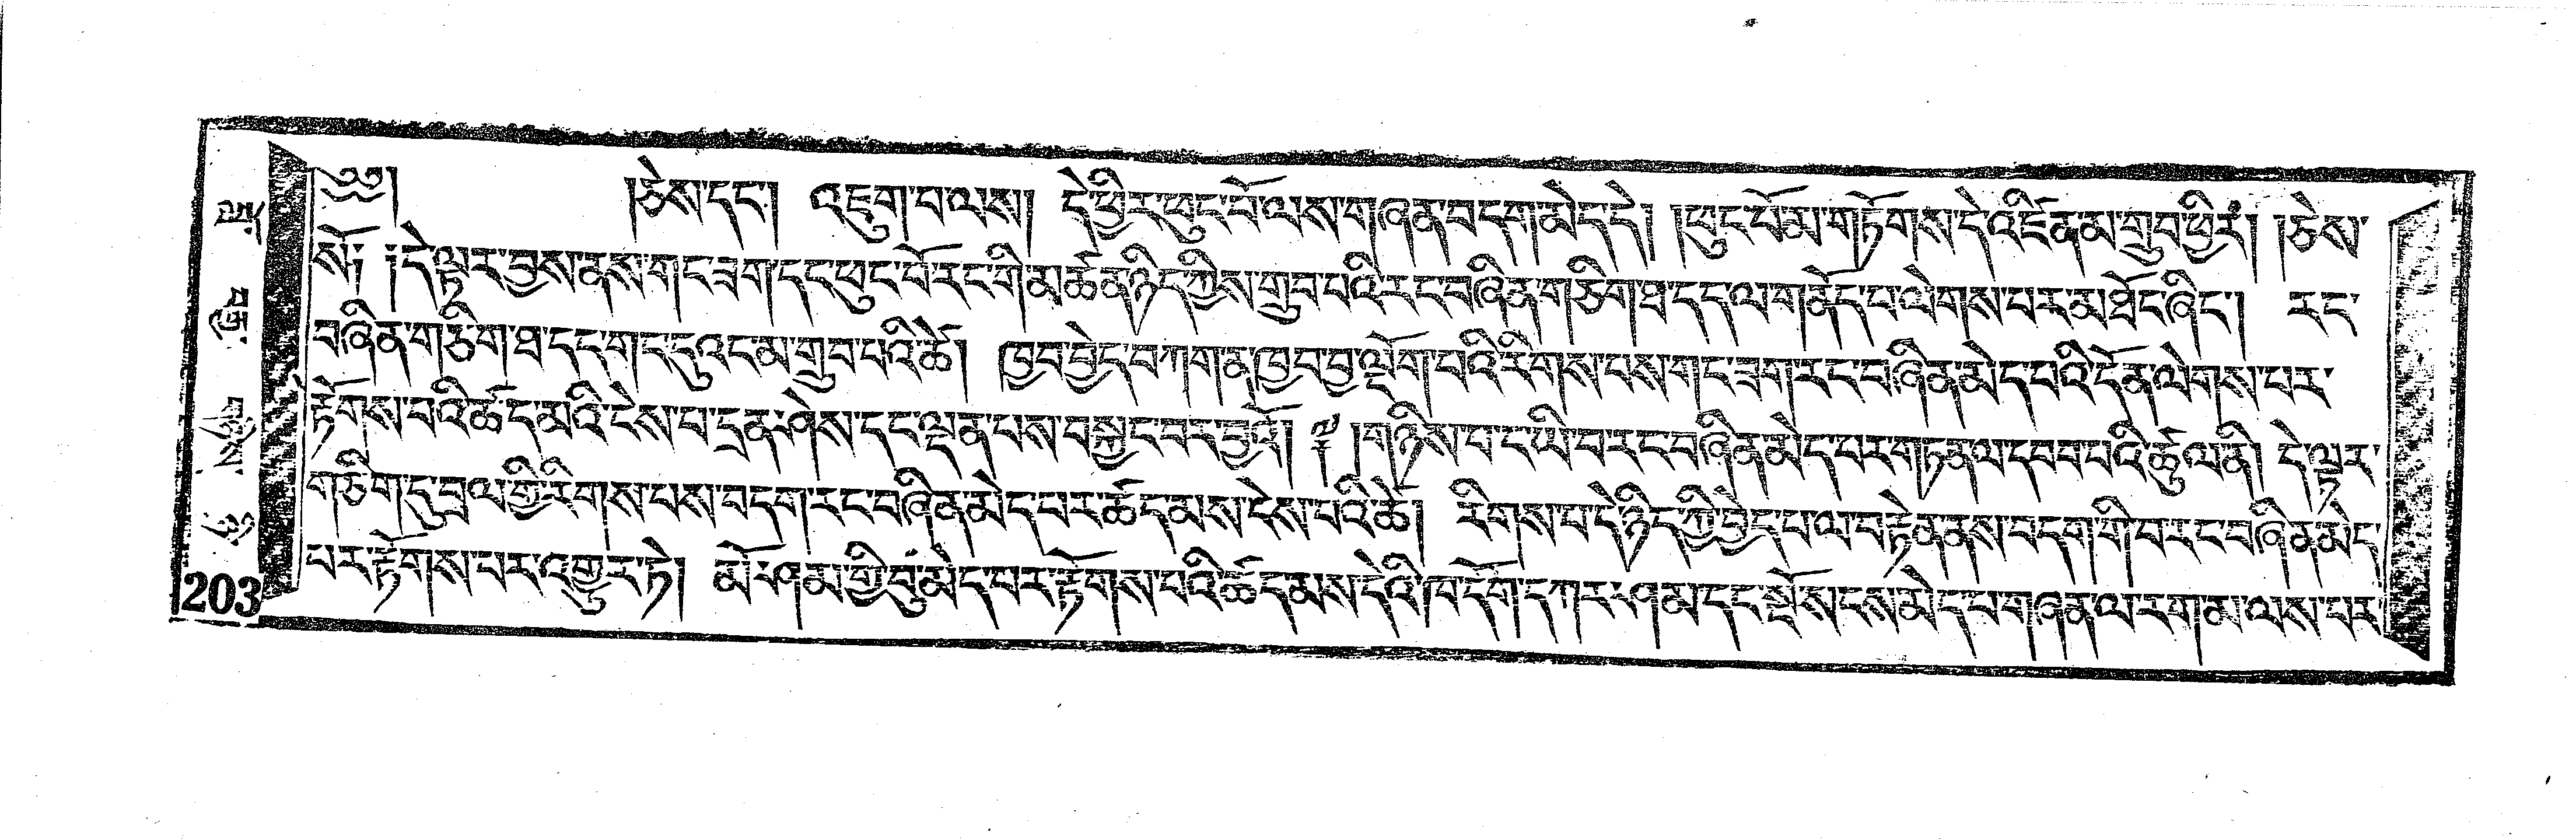༄༅། །ཅེས་དང་། འཇུག་པ་ལས། དེ་ཕྱིར་ཕུང་པོ་ལས་གཞན་བདག་མེད་དེ། །ཕུང་པོ་མ་གཏོགས་དེ་འཛིན་མ་གྲུབ་ཕྱིར། །ཅེས་
སོ༑ ༑དེ་ལྟར་བྱས་ནས་གང་ཟག་དང་ཕུང་པོ་རང་གི་མཚན་ཉིད་ཀྱིས་གྲུབ་པའི་རང་བཞིན་གཅིག་ཐ་དད་ལ་གནོད་པ་ལེགས་པར་མཐོང་ཞིང་། རང་
བཞིན་གཅིག་ཐ་དད་གང་དུའང་མ་གྲུབ་པའི་ཚེ། ཁྱབ་བྱེད་བཀག་ན་ཁྱབ་བྱ་ལྡོག་པའི་རིགས་པས་གང་ཟག་རང་བཞིན་མེད་པའི་དོན་ལེགས་པར་
རྟོགས་པའི་ཚད་མའི་ངེས་པ་དྲན་ཤེས་དང་ལྡན་པས་བསྐྱང་བར་བྱའོ། ༈ །གཉིས་པ་ང་ཡི་བ་རང་བཞིན་མེད་པར་གཏན་ལ་དབབ་པའི་ཚུལ་ནི། དེ་ལྟར་
གཅིག་དུ་བྲལ་གྱི་རིགས་པས་བདག་རང་བཞིན་མེད་པར་ཚད་མས་ངེས་པའི་ཚེ། རིགས་པ་དེ་ཉིད་ཀྱི་བྱེད་པ་ལ་བརྟེན་ནས་བདག་གི་བ་རང་བཞིན་མེད་
པར་རྟོགས་པར་འགྱུར་ཏེ། མོ་ཤམ་གྱི་བུ་མེད་པར་རྟོགས་པའི་ཚད་མས་དེའི་ཁ་དོག་དཀར་ཤམ་དང་སྔོ་སངས་མེད་པ་གཞན་ལ་རག་མ་ལས་པར་